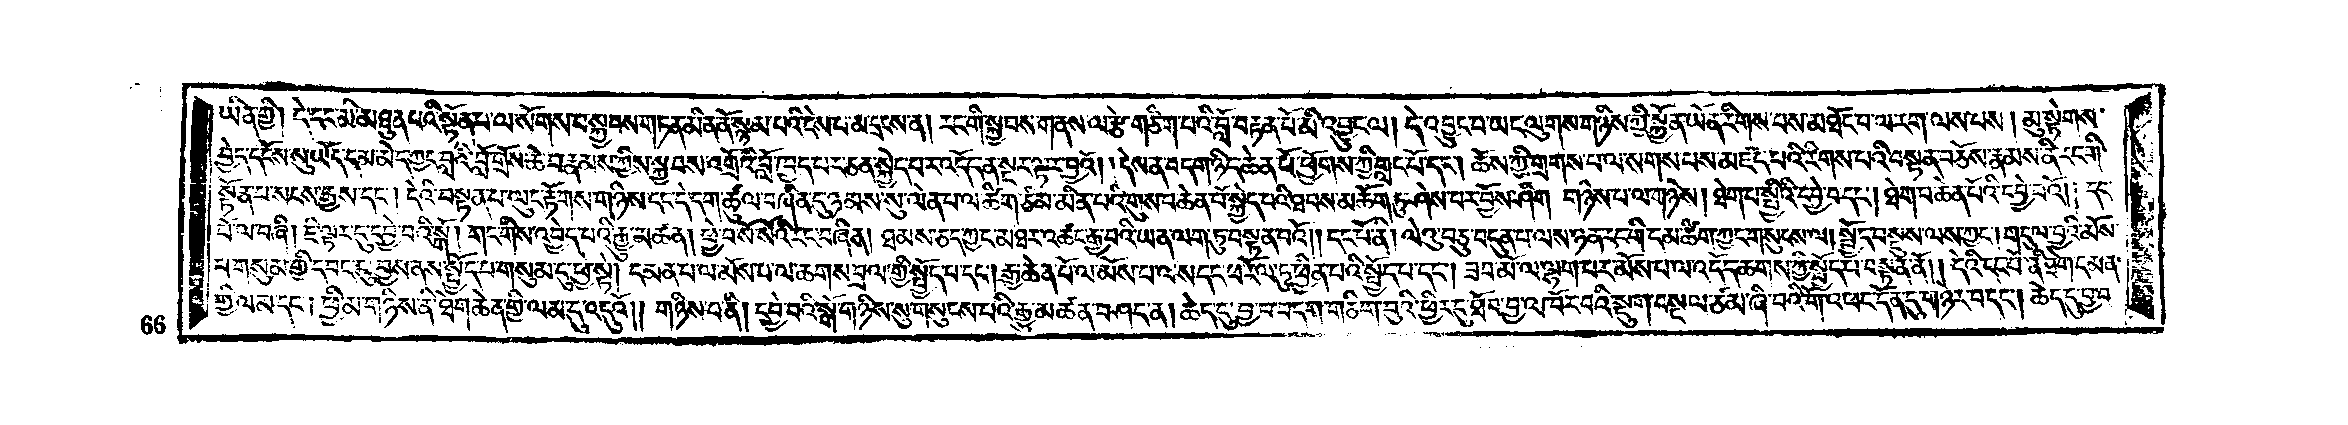ཡིན་གྱི། དེ་དང་མི་མཐུན་པའི་སྟོན་པ་ལ་སོགས་པ་སྐྱབས་གཏན་མིན་ནོ་སྙམ་པའི་ངེས་པ་མ་དྲངས་ན། རང་གི་སྐྱབས་གནས་ལ་རྩེ་གཅིག་པའི་བློ་བརྟན་པོ་མི་འབྱུང་ལ། དེ་འབྱུང་བ་ཡང་ལུགས་གཉིས་ཀྱི་སྐྱོན་ཡོན་རིགས་པས་མཐོང་བ་ལ་རག་ལས་པས་།མུ་སྟེགས་
བྱེད་དངོས་སུ་ཡོད་དམ་མེད་ཀྱང་བློའི་བློ་གྲོས་ཆེ་བ་རྣམས་ཀྱིས་སྐྱབས་འགྲོའི་བློ་ཁྱད་པར་ཅན་སྐྱེད་པར་འདོད་ན་སྔར་ལྟར་བྱའོ། །དེས་ན་བདག་ཉིད་ཆེན་པོ་ཕྱོགས་ཀྱི་གླང་པོ་དང་། ཆོས་ཀྱི་གྲགས་པ་ལ་སོགས་པས་མཛད་པའི་རིགས་པའི་བསྟན་བཅོས་རྣམས་ནི་རང་གི་
སྟོན་པ་སངས་རྒྱས་དང་། དེའི་བསྟན་པ་ལུང་རྟོགས་གཉིས་དང་དེ་དག་ཚུལ་བཞིན་དུ་ཉམས་སུ་ལེན་པ་ལ་ཚིག་ཙམ་མིན་པའི་གུས་པ་ཆེན་པོ་སྐྱེད་པའི་ཐབས་མཆོག་ཏུ་ཤེས་པར་བྱོས་ཤིག་གཉིས་པ་ལ་གཉིས། ཐེག་པ་སྤྱིའི་དབྱེ་བ་དང་། ཐེག་པ་ཆེན་པོའི་དབྱེ་བའོ། །དང་
པོ་ལ་བཞི། ཇི་ལྟར་དུ་དབྱེ་བའི་སྒོ། གང་གིས་འབྱེད་པའི་རྒྱུ་མཚན། ཕྱེ་བ་སོ་སོའི་རང་བཞིན། ཐམས་ཅད་ཀྱང་མཐར་འཚང་རྒྱ་བའི་ཡན་ལག་ཏུ་བསྟན་པའོ། །དང་པོ་ནི། ལེའུ་བཅུ་བདུན་པ་ལས་ཉན་རང་གི་དམ་ཚིག་ཀྱང་གསུངས་ལ། སྤྱོད་བསྡུས་ལས་ཀྱང་། གདུལ་བྱའི་མོས་
པ་གསུམ་གྱི་དབང་དུ་བྱས་ནས་སྤྱོད་པ་གསུམ་དུ་ཕྱེ་སྟེ། དམན་པ་ལ་མོས་པ་ལ་ཆགས་བྲལ་གྱི་སྤྱོད་པ་དང་། རྒྱ་ཆེན་པོ་ལ་མོས་པ་ལས་དང་ཕ་རོལ་ཏུ་ཕྱིན་པའི་སྤྱོད་པ་དང་། ཟབ་མོ་ལ་ལྷག་པར་མོས་པ་ལ་འདོད་ཆགས་ཀྱི་སྤྱོད་པ་བསྟན་ནོ། །དེའི་དང་པོ་ནི་ཐེག་དམན་
གྱི་ལམ་དང་། ཕྱི་མ་གཉིས་ནི་ཐེག་ཆེན་གྱི་ལམ་དུ་འདུའོ། །གཉིས་པ་ནི། དབྱེ་བའི་སྒོ་གཉིས་སུ་གསུངས་པའི་རྒྱུ་མཚན་བཤད་ན། ཆེད་དུ་བྱ་བ་བདག་གཅིག་བུའི་ཕྱིར་དུ་ཐོབ་བྱ་འཁོར་བའི་སྡུག་བསྔལ་ཙམ་ཞི་བའི་གོ་འཕང་དོན་དུ་གཉེར་བ་དང་། ཆེད་དུ་བྱ་བ་